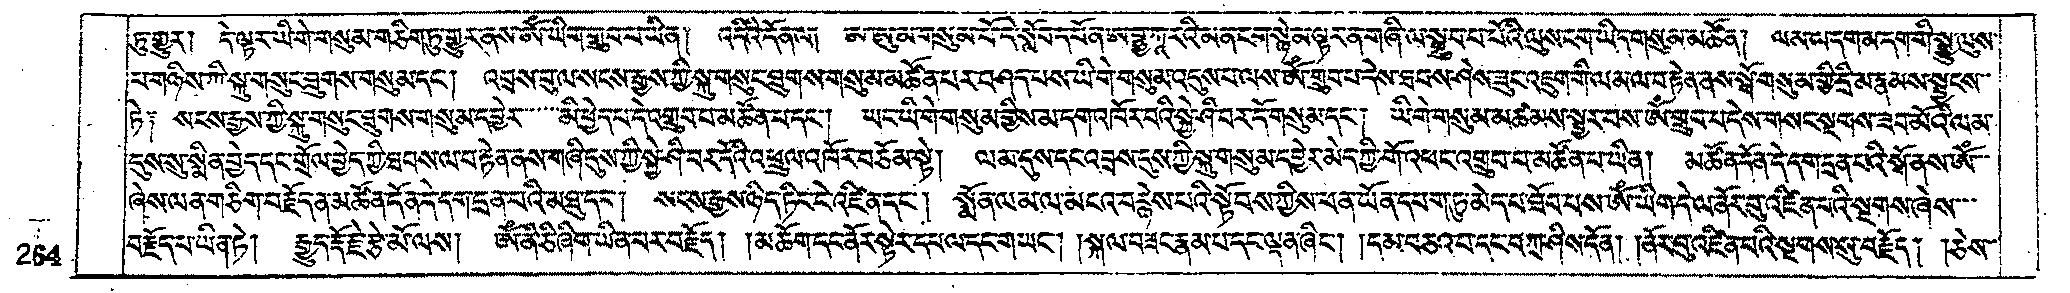ཏུ་གྱུར། དེ་ལྟར་ཡི་གེ་གསུམ་གཅིག་ཏུ་གྱུར་ནས་ཨོཾ་ཡིག་གྲུབ་པ་ཡིན། འདིའི་དོན་ལ། ཨ་ཨུ་མ་གསུམ་པོ་དེ་སློབ་དཔོན་ཨ་བྷྱ་ཀཱ་རའི་མན་ངག་སྙེ་མ་ལྟར་ན་གཞི་ལ་སྒྲུབ་པ་པོའི་ལུས་ངག་ཡིད་གསུམ་མཚོན། ལམ་ལ་དག་མ་དག་གི་སྒྱུ་ལུས་
པ་གཉིས་ཀི་སྐུ་གསུང་ཐུགས་གསུམ་དང་། འབྲས་བུ་ལ་སངས་རྒྱས་ཀྱི་སྐུ་གསུང་ཐུགས་གསུམ་མཚོན་པར་བཤད་པས་ཡི་གེ་གསུམ་འདུས་པ་ལས་ཨོཾ་གྲུབ་པ་དེས་ཐབས་ཤེས་ཟུང་འཇུག་གི་ལམ་ལ་བརྟེན་ནས་སྒོ་གསུམ་གྱི་དྲི་མ་རྣམས་སྦྱངྶ་་་
ཏེ༑ སངས་རྒྱས་ཀྱི་སྐུ་གསུང་ཐུགས་གསུམ་དབྱེར་་་མི་ཕྱེད་པ་དེ་འགྲུབ་པ་མཚོན་པ་དང་། ཡང་ཡི་གེ་གསུམ་གྱིས་མ་དག་འཁོར་བའི་སྐྱེ་ཤི་བར་དོ་གསུམ་དང་། ཡི་གེ་གསུམ་མཚམས་སྦྱར་བས་ཨོཾ་གྲུབ་པ་དེས་གསང་སྔགས་ཟབ་མོའི་ལམ་
དུས་སུ་སྨིན་བྱེད་དང་གྲོལ་བྱེད་ཀྱི་ཐབས་ལ་བརྟེན་ནས་གཞི་དུས་ཀྱི་སྐྱེ་ཤི་བར་དོའི་འཕྲུལ་འཁོར་བཅོམ་སྟེ། ལམ་དུས་དང་འབྲས་དུས་ཀྱི་སྐུ་གསུམ་དབྱེར་མེད་ཀྱི་གོ་འཕང་འགྲུབ་པ་མཚོན་པ་ཡིན། མཚོན་དོན་དེ་དག་དྲན་པའི་སྒོ་ནས་ཨོཾ་་་
ཞེས་ལན་གཅིག་བརྗོད་ན་མཚོན་དོན་དེ་དག་དྲན་པའི་མཐུ་དང་། སངས་རྒྱས་ཉིད་ཏིང་ངེ་འཛིན་དང་། སྨོན་ལམ་ལ་མངའ་བརྙེས་པའི་སྟོབས་ཀྱིས་ཕན་ཡོན་དཔག་ཏུ་མེད་པ་ཐོབ་པས་ཨོཾ་ཡིག་དེ་ལ་ནོར་བུ་འཛིན་པའི་སྔགས་ཞེས་་་
བརྗོད་པ་ཡིན་ཏེ། རྒྱུད་རྡོ་རྗེ་རྩེ་མོ་ལས། ཨོཾ་ནི་ཅི་ཞིག་ཡིན་པར་བརྗོད། །མཆོག་དང་ནོར་སྟེར་དཔལ་དང་གཡང་། །སྐལ་བཟང་རྣམ་པ་དང་ལྡན་ཞིང་། །དམ་བཅའ་བ་དང་བཀྲ་ཤིས་དོན། །ནོར་བུ་འཛིན་པའི་སྔགས་སུ་བརྗོད། །ཅེས་་་